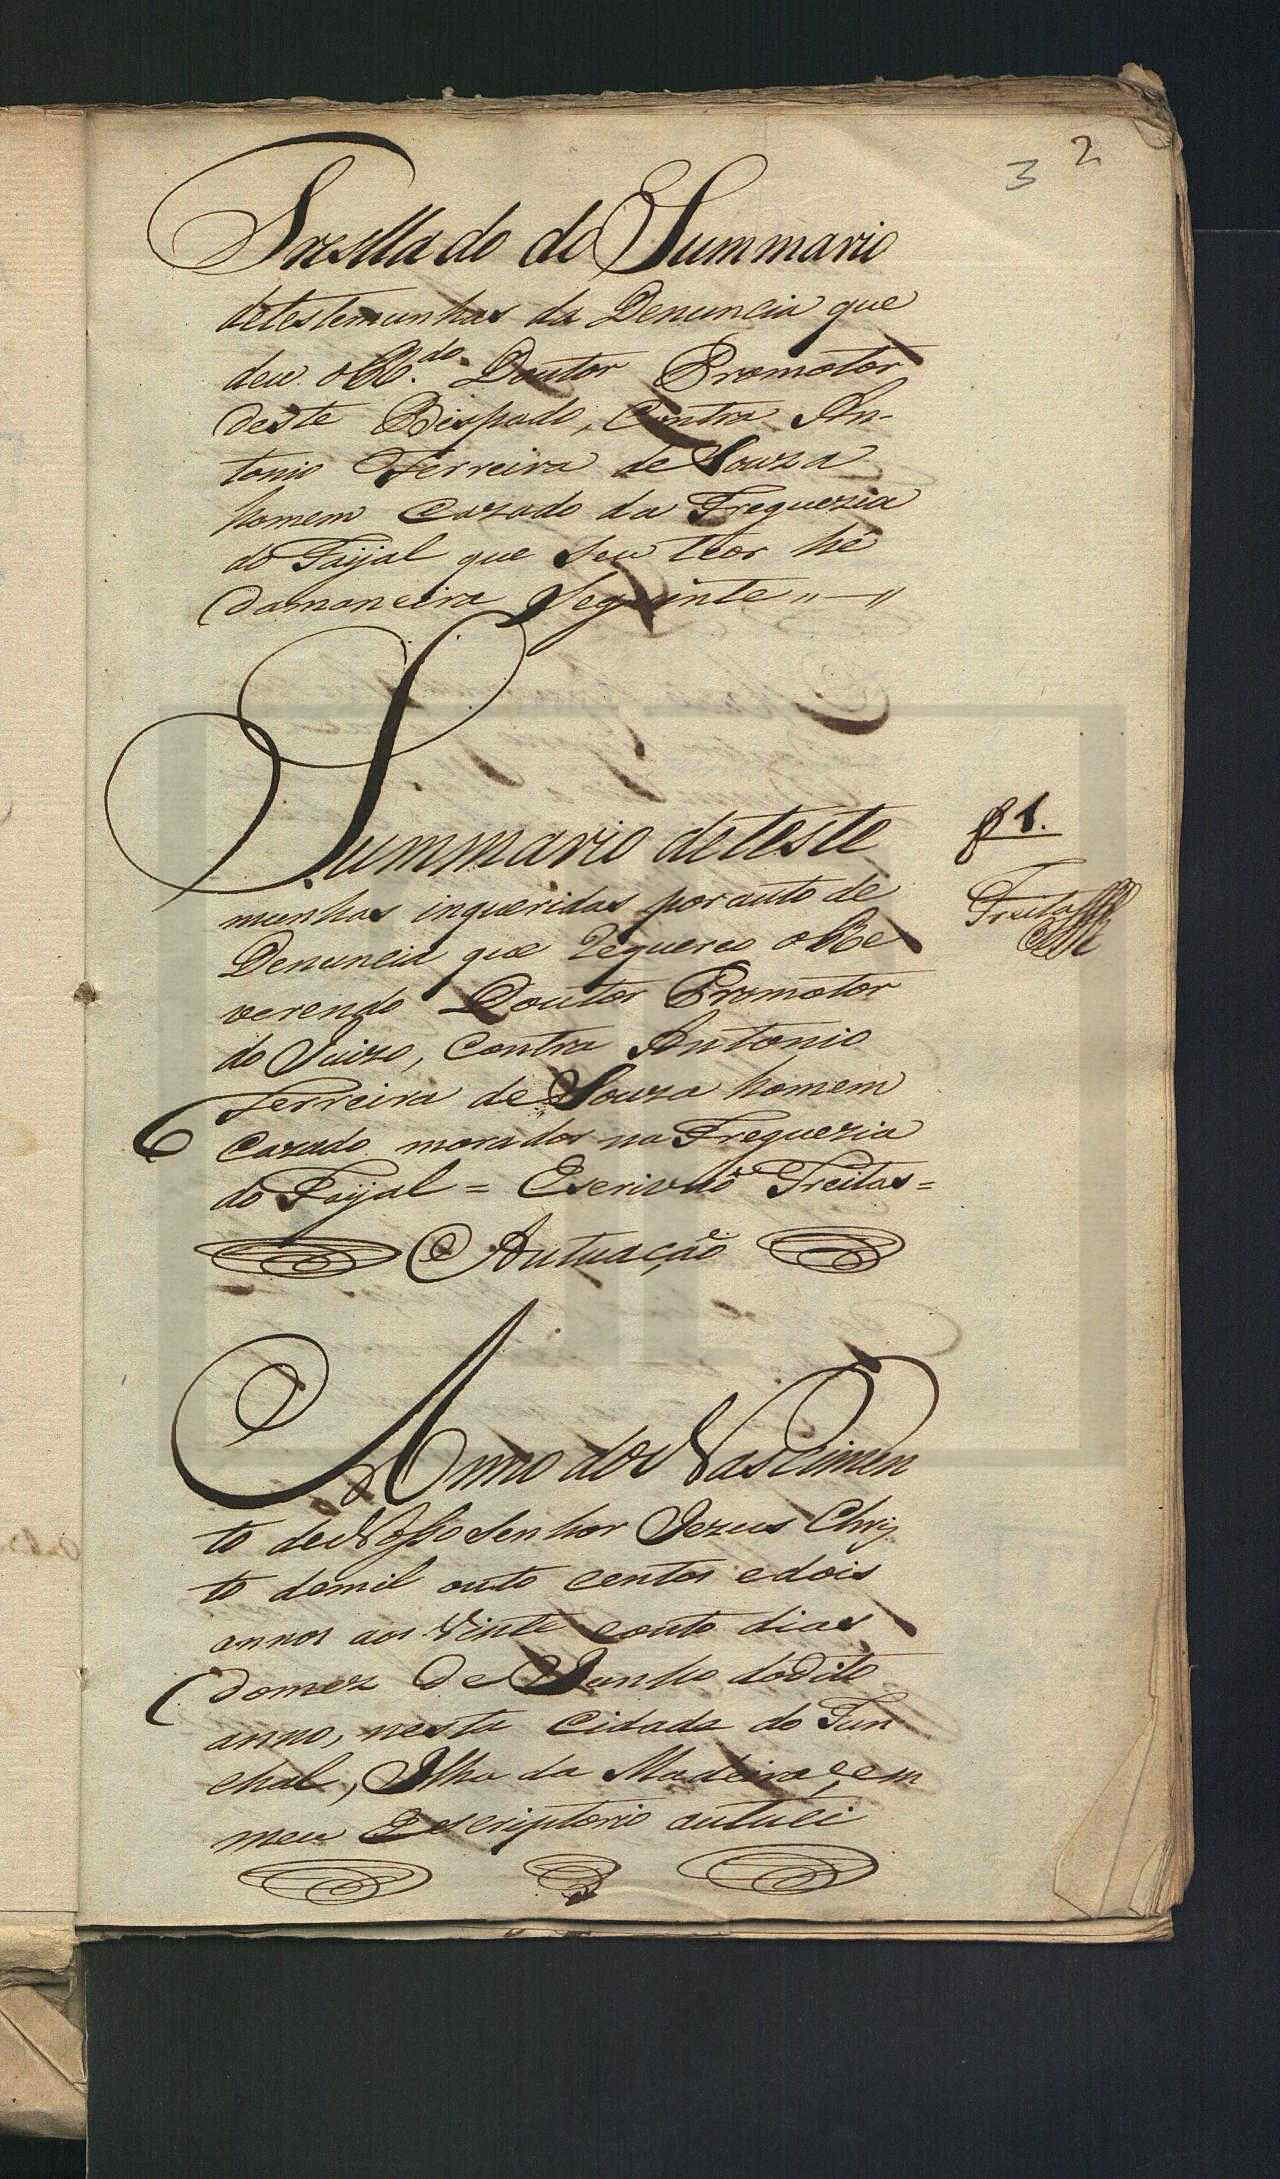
2
Tresllado do Summario
de testemunhas da Denuncia que
deu o R.do Doutor Promotor
deste Bispado, Contra An
tonio Ferreira de Souza
homem cazado da Freguezia
do Fayal que seu teor hé
da maneira Seguinte
f̄1.
Summario de teste
munhas inqueridas por auto de
Freita
Denuncia que Requereo o Re
verendo Doutor Promotor
do Iuizo, contra Antonio
Ferreira de Souza homem
cazado morador na Freguezia
do Fayal = Escrivaõ Freitas
Autuaçaõ
Anno do Nascimen
to de Nosso Senhor Iezus Chris
to de mil outocentos e dois
annos aos Vinte e outo dias
do mez de Iunho do dito
anno, nesta cidade do Fun
chal, Ilha da Madeira, e em
meu Escriptorio autuei
